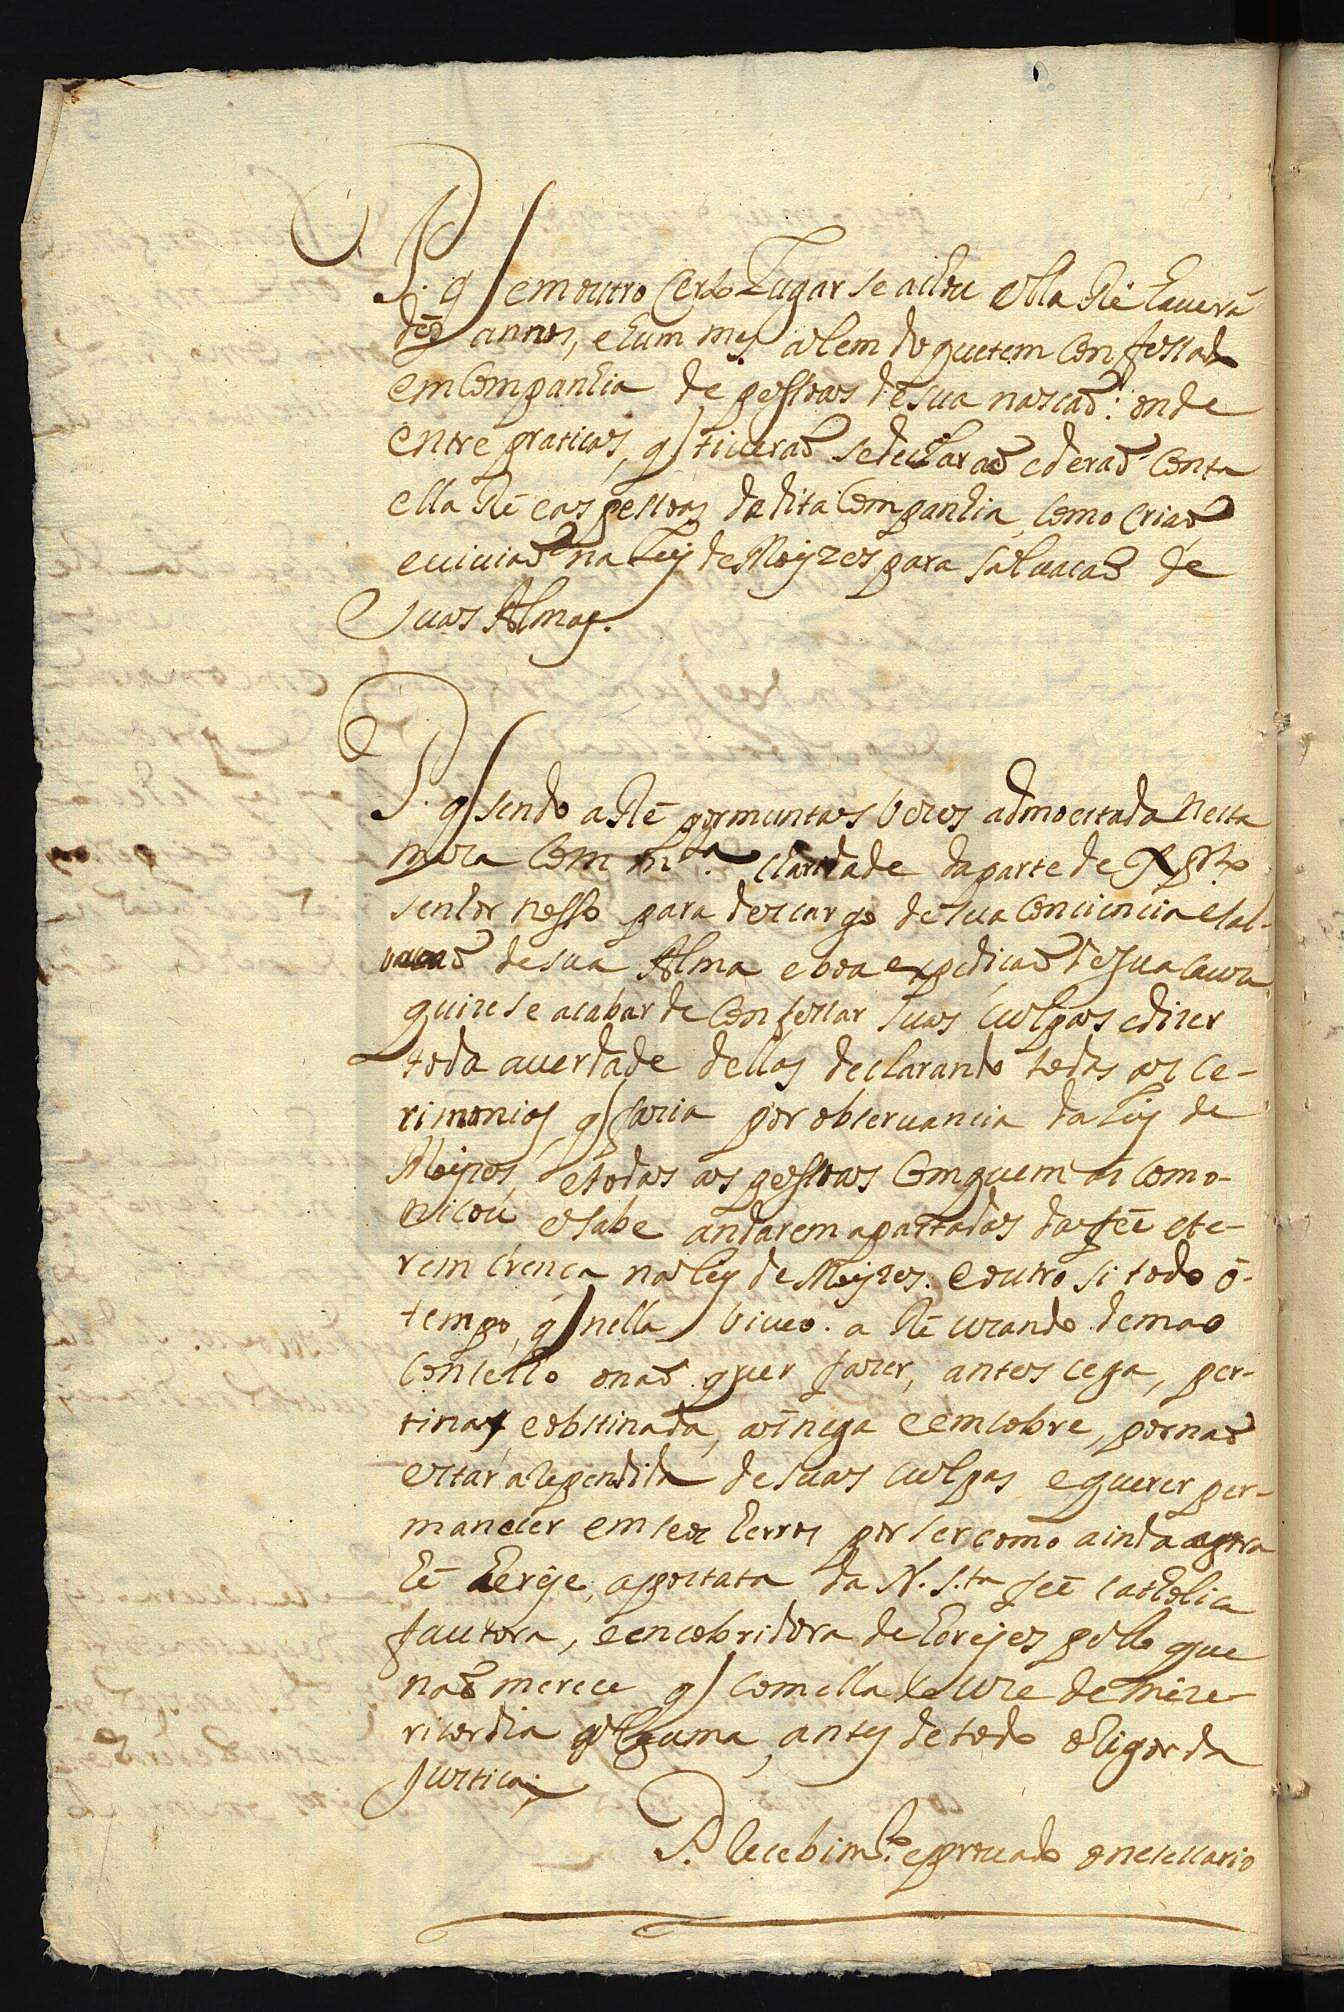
P. q̄ em outro Certo Lugar se achou ella Re hauerá
dez annos, e hum mes alem do que tem confessado
em Companhia de pessoas de sua nasçaõ: onde
entre praticas, q̄ tiueraõ se declaraõ e deraõ Conta
ella Ré, e as pessoas da dita Companhia, Como Criaõ,
e uiuiaõ na Ley de Moyzes para saluaçaõ de
suas Almas.
P. q̄ sendo a Ré por muntas vezes admoestada nesta
meza com m.ta charidade da parte de xp.to
senhor nosso para descargo de sua conciencia e sal
vaçaõ de sua Alma, e boa expediçaõ de sua cauza
quizese acabar de Confessar suas culpas e dizer
toda a uerdade dellas declarando todas as ce
rimonias q̄ fazia por obseruancia da Ley de
Moyzes, e todas as pessoas com quem as como
nicou e sabe andarem apartadas da fée e te
rem crença na ley de Moyzes, e outrosi todo o
tempo q̄ nella viueo. a Re uzando de mao
Conselho o naõ quer fazer, antes cega, per
tinax, e obstinada, as nega e emcobre, por naõ
estar aRependida de suas culpas e querer per
manecer em seos herros por ser como ainda agora
hé hereje, apostata da N. s.ta feé catholica
fautora, e encobridora de herejes pello que
naõ merece q̄ com ella se uze de mize
ricordia alguma, antes de todo o Rigor da
justiça
P. Recebim.to e prouado o necessario
